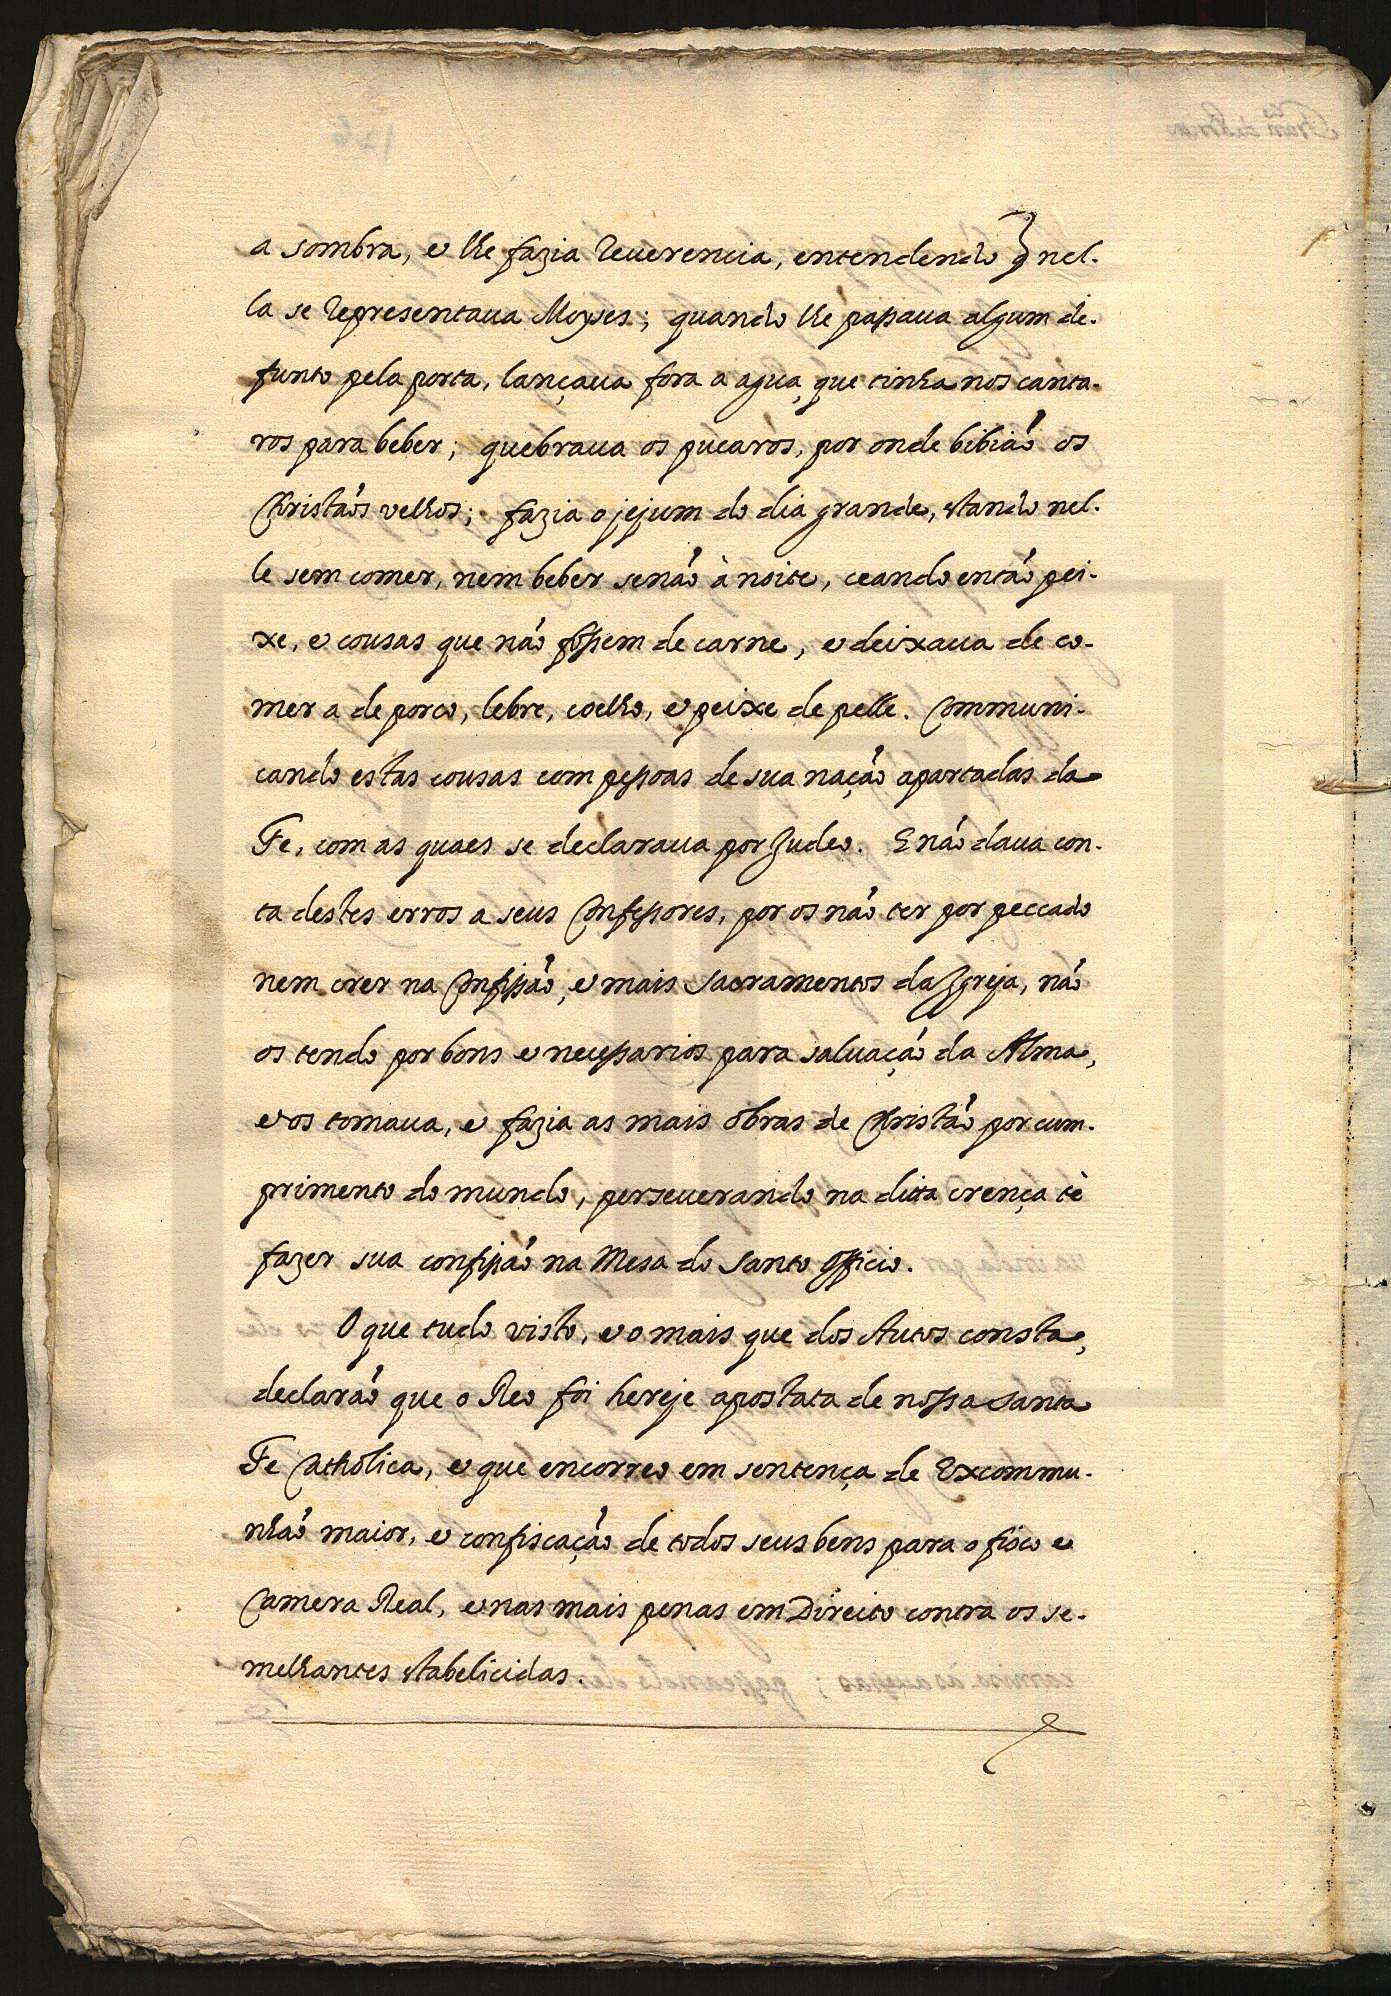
a sombra, e lhe fazia Reuerencia, entendendo q̄ nel
la se representaua Moyses; quando lhe passaua algum de
funto pela porta, lançaua fora a agua, que tinha nos canta
ros para beber; quebraua os pucaros, por onde bibiaõ os
Christaõs velhos; fazia o jejum do dia grande, estando nel
le sem comer, nem beber senaõ à noite, ceando entaõ pei
xe, e cousas que naõ fossem de carne, e deixaua de co
mer a de porco, lebre, coelho, e peixe de pelle. Communi
cando estas cousas com pessoas de sua naçaõ apartadas da
Fe, com as quaes se declaraua por Judeo. E naõ daua con
ta destes erros a seus Confessores, por os naõ ter por peccado
nem crer na Confissaõ, e mais sacramentos da Jgreja, naõ
os tendo por bons e necessarios para saluaçaõ da Alma,
e os tomaua, e fazia as mais obras de Christaõ por cum
primento do mundo, perseuerando na ditta crença tè
fazer sua confissaõ na mesa do Santo Officio.
O que tudo visto, e o mais que dos Autos consta,
declaraõ que o Reo foi hereje apostata de nossa santa
Fe Catholica, e que encorreo em sentença de Excommu
nhaõ maior, e confiscação de todos seus bens para o fisco e
Camera Real, e nas mais penas em Direito contra os se
melhantes estabelicidas.
